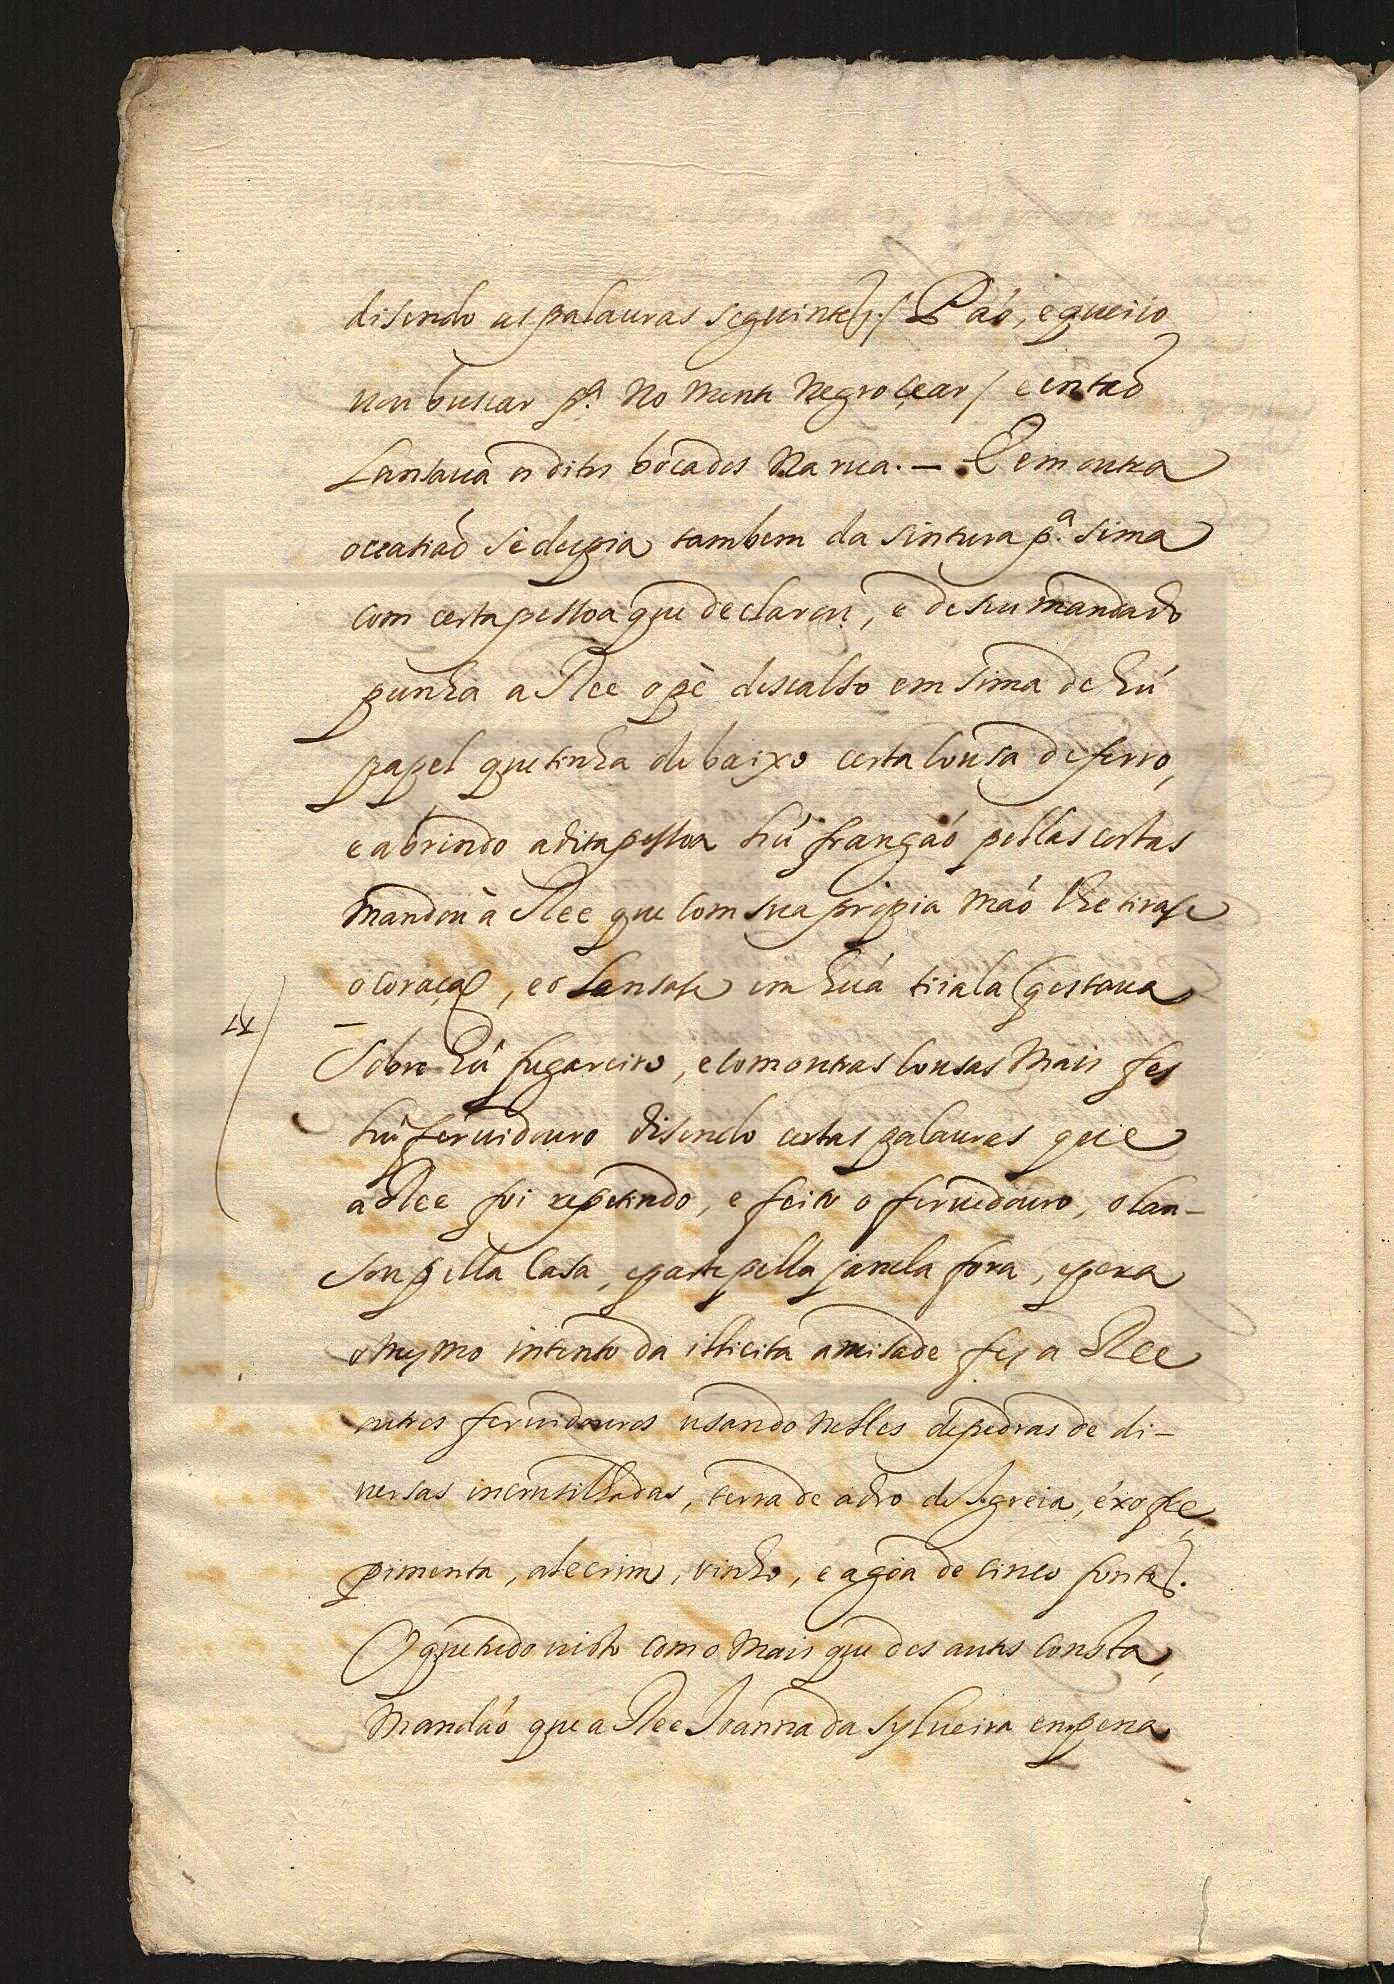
disendo as palavras seguintes. / Paõ, e queiio
uou buscar p.a no monte negro çear / e entaõ
lansava os ditos bocados na rua. — E em outra
occasiaõ se despia tambem da sintura p.a sima
com certa pessoa que declarou, e de seu mandado
punha a Ree o pè descalso em sima de hū
papel que tinha debaixo certa Cousa de ferro,
e abrindo a dita pessoa hū frangaõ pellas costas
mandou à Ree que com sua propia maõ lhe tirase
o coraçaõ, e o lansase em huā tiisela q̄ estaua
sobre hū fugareiro, e com outras cousas mais fes
hū fervidouro disendo certas palauras que
a Ree foi repetindo, e feito o feruedouro, o lan
sou pella casa, e parte pella janela fora, e pera
o mesmo intento da illicita amisade fes a Ree
outros feruidouros usando nelles de pedras de di
uersas incrusilhadas, terra de adro de Igreia, ēxofre,
pimenta, alecrim, vinho, e agoa de cinco fontes.
O que tudo uisto com o mais que dos autos consta,
mandaõ que a Ree Joanna da Sylueira em pena
